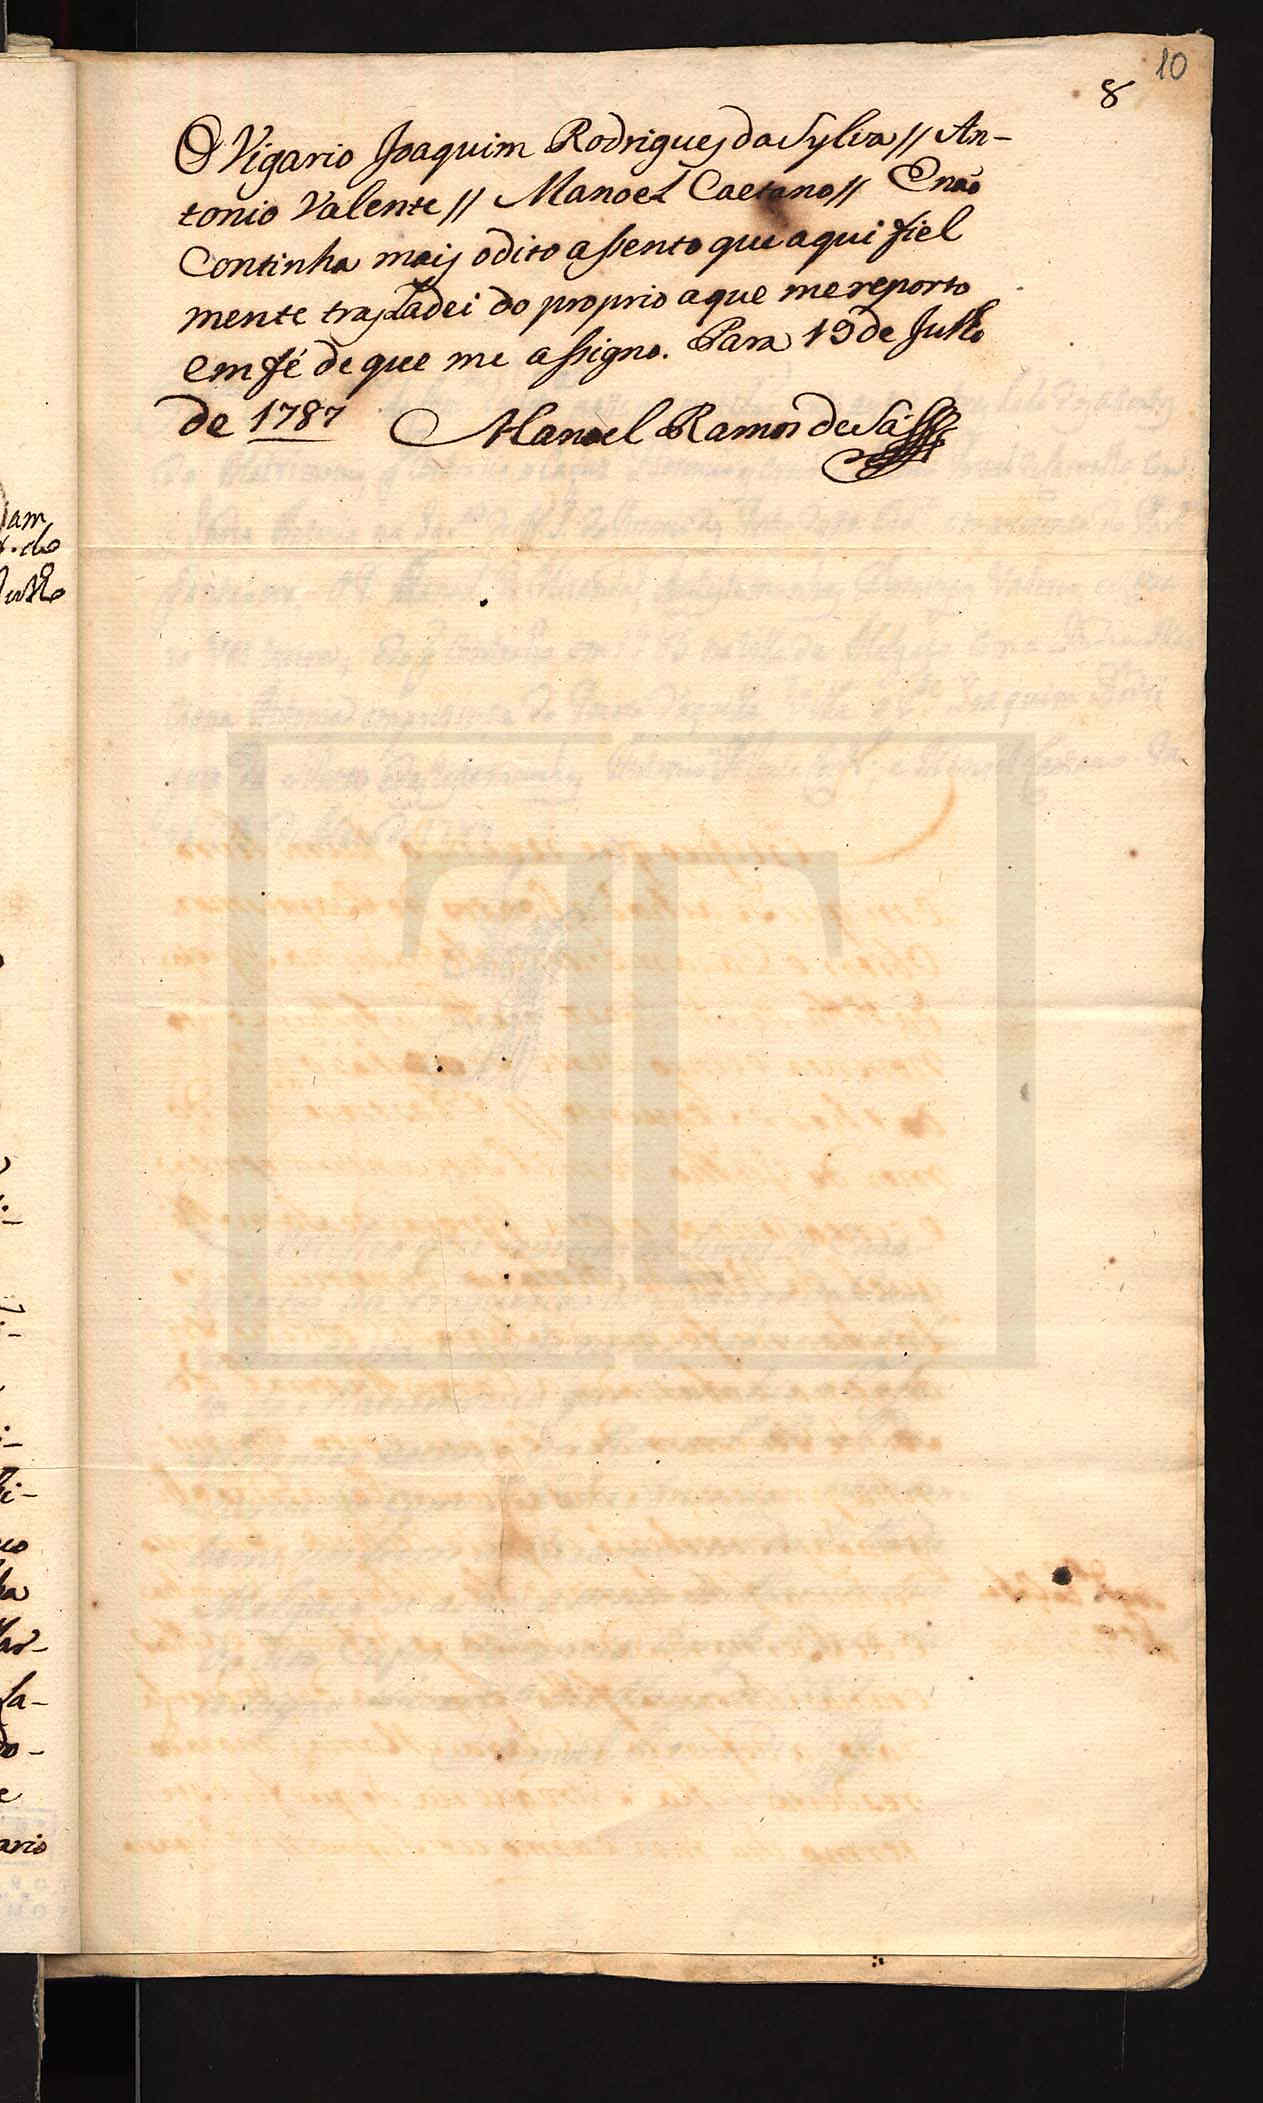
O Vigario Joaquim Rodrigues da Sylva // An
tonio Valente // Manoel Caetano // E naõ
continha mais o dito assento que aqui fiel
mente trasladei do proprio a que me reporto
em fé de que me assigno. Para 19 de Julho
de 1787 Manoel Ramos de Sá
8
